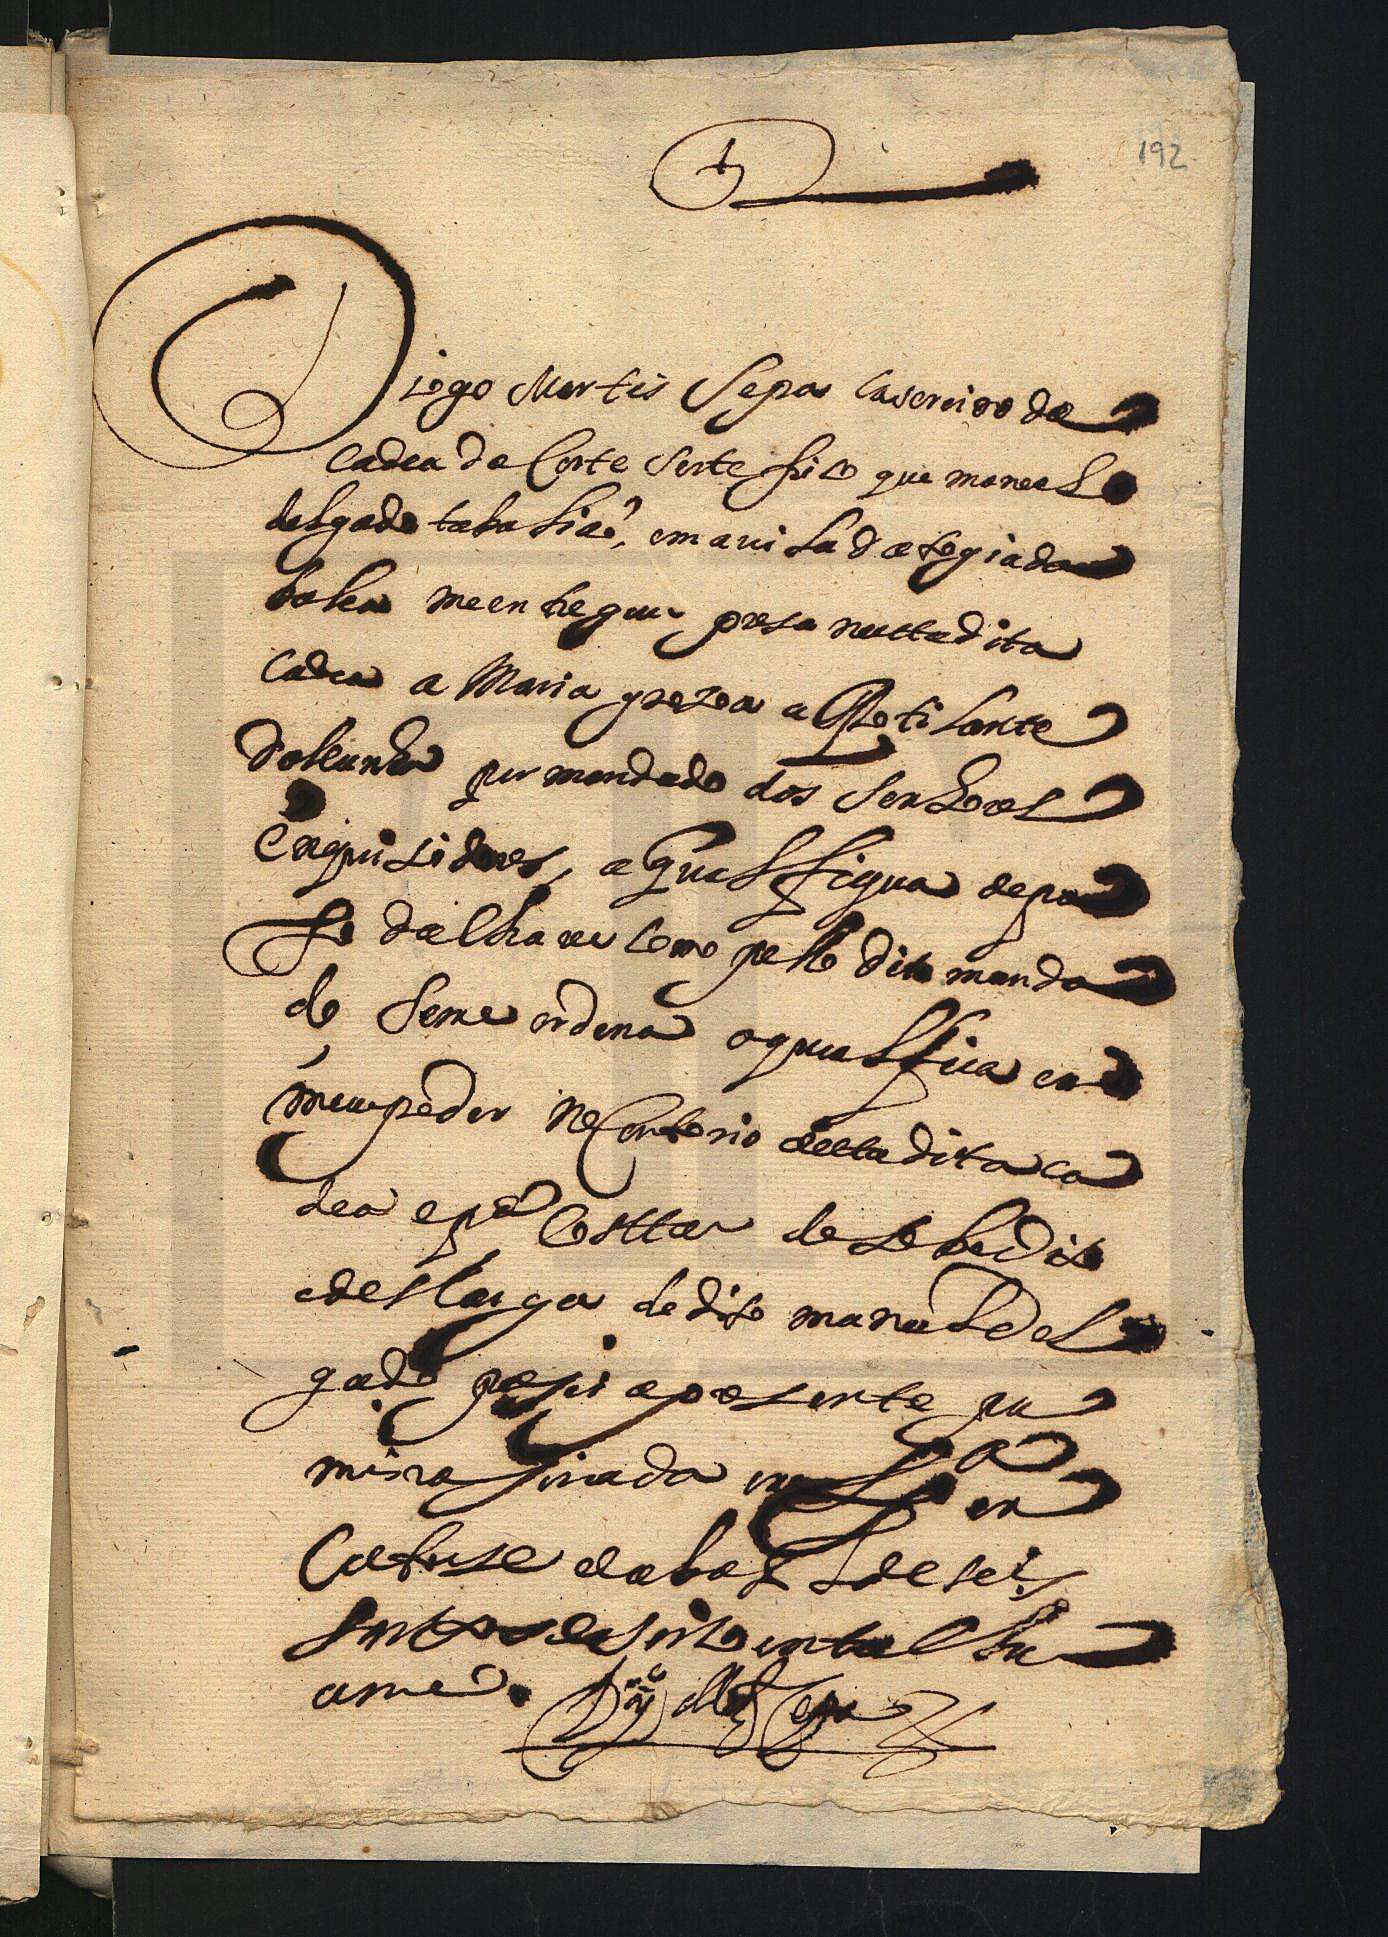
Diogo Martis Sepa casereiro da
cadea da Corte sertefico que manoel
delgado tabaliaõ, em a uila datogia da
balea me entregou presa nestta dita
cadea a Maria grojoa a Quotilante
dalcunho per mandado dos Senhores
enquisidores, a qual fiqua de po
sse da chaue como pello dito manda
do, se me ordena o quaL fica em
meu poder no Cartorio desta dita ca
dea e p.a costtar do sobedito
e descarga do dito manoel del
gado pasei a presente por
min asinada en Lxa en
catorse dabriL de seis
sentos e sincoenta e hu
anno.
Dȳo Mr̄z Cepa
